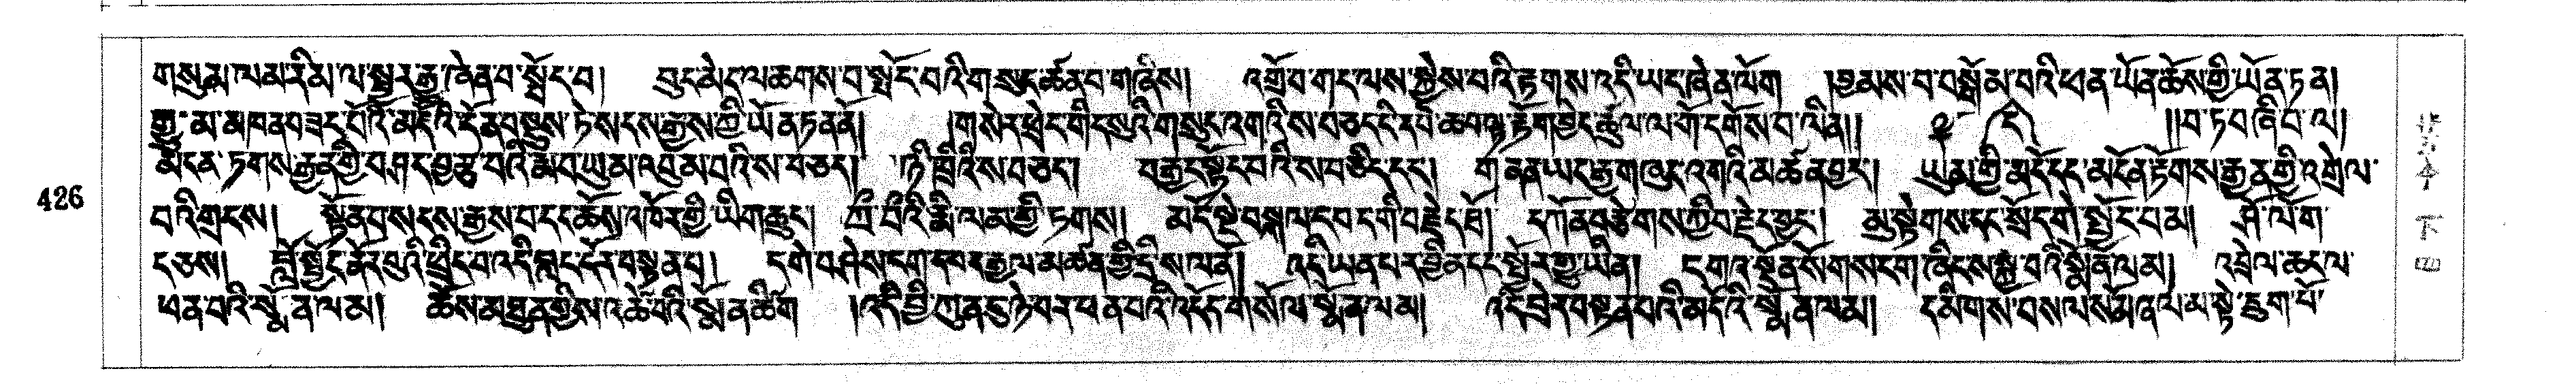གསུམ་ལམ་རིམ་ལ་སྦྱར་རྒྱུ་ཞེན་བ་སྤོང་བ། བུང་མེད་ལ་ཆགས་བ་སྤོང་བའི་གསུང་ཚན་བ་གཞིས། འགྲོ་བ་གང་ལས་སྐྱེས་བའི་རྟགས་འདི་ཡང་ཞེན་ལོག །བྱམས་བ་བསྒོམ་བའི་ཕན་ཡོན་ཆོས་གྱི་ཡོན་ཏན།
རྒྱུ་མ་མཁན་བཟང་པོའི་མཛོའི་དོན་བསྡུས་ཏེ་སངས་རྒྱས་ཀྱི་ཡོན་ཏན་ནོ། །གསེར་ཕྲེང་གིད་སུའི་གསུང་འགའི་ས་བཅད་དི་དཔེ་ཆ་བལྟ་རྟོག་བྱེད་ཚུལ་ལ་གོ་དགོས་བ་ལིན།། ༈ ང྄་།།བ་ཏ་བཞི་བ་ལ།
མངན་ཏགས་རྒྱན་གྱི་བཤད་བྱ་རྩ་བའི་རྨ་བ་ཡུམ་འབུམ་བའི་ས་བཅད། །ཉི་ཁྲིའི་ས་བཅད། བརྒྱད་སྟོང་བའི་ས་བཅིང་དང་། གནན་ཡང་རྒྱ་གཞུང་འགའི་མཚན་བྱང་། ཡུམ་གྱི་མདོ་དང་མངོན་རྟོགས་རྒྱན་གྱི་འགྲེལ་
བའི་གྲངས། སྟོན་བ་སངས་རྒྱས་བ་དང་ཆོས་འཁོར་གྱི་ཡིག་ཆུང་། ཀྲྀ་བྀའི་རྨི་ལམ་གྱི་ཏགས། མདོ་སྡེ་བསྐལ་དབང་གི་བརྗེད་ཐོ། དཀོན་བརྩེགས་ཀྱི་བརྗེད་བྱང་། མུ་སྟེགས་དང་སྲོ་དགེ་སྤྱོང་བམ། ཤོ་ལོ་ག་
དྕས། བློ་སྦྱོང་ནོར་བུའི་ཕྲིང་བ་འདི་བླང་དོར་བསྟན་བ། དགེ་བཤེས་ངག་དབང་རྒྱལ་མཚན་གྱི་དྲི་སལ་ནོ། འདི་ཡན་པར་བྱིན་དང་སྤྱོར་གྱུ་ཡིན། དགའ་སྔོན་སོགས་ངག་ཞིང་ས་སྐྱ་བའི་སྨོན་ལམ། འབྲེལ་ཆང་ལ་
ཕན་བའི་སྨོན་ལམ། ཆོས་མཐུན་གྱིས་འཚེ་བའི་སྨོན་ཚིག །འདི་བྱི་ཀུན་དུ་ཉེ་བར་ཕན་བའི་འདོད་གསོལ་སྨོན་ལམ། འདི་བྲེར་བསྟན་བའི་མདོའི་སྨོན་ལམ། དམིགས་བསལ་སོམ་ཞལ་མ་སྟེ་དྲུག་པོ་